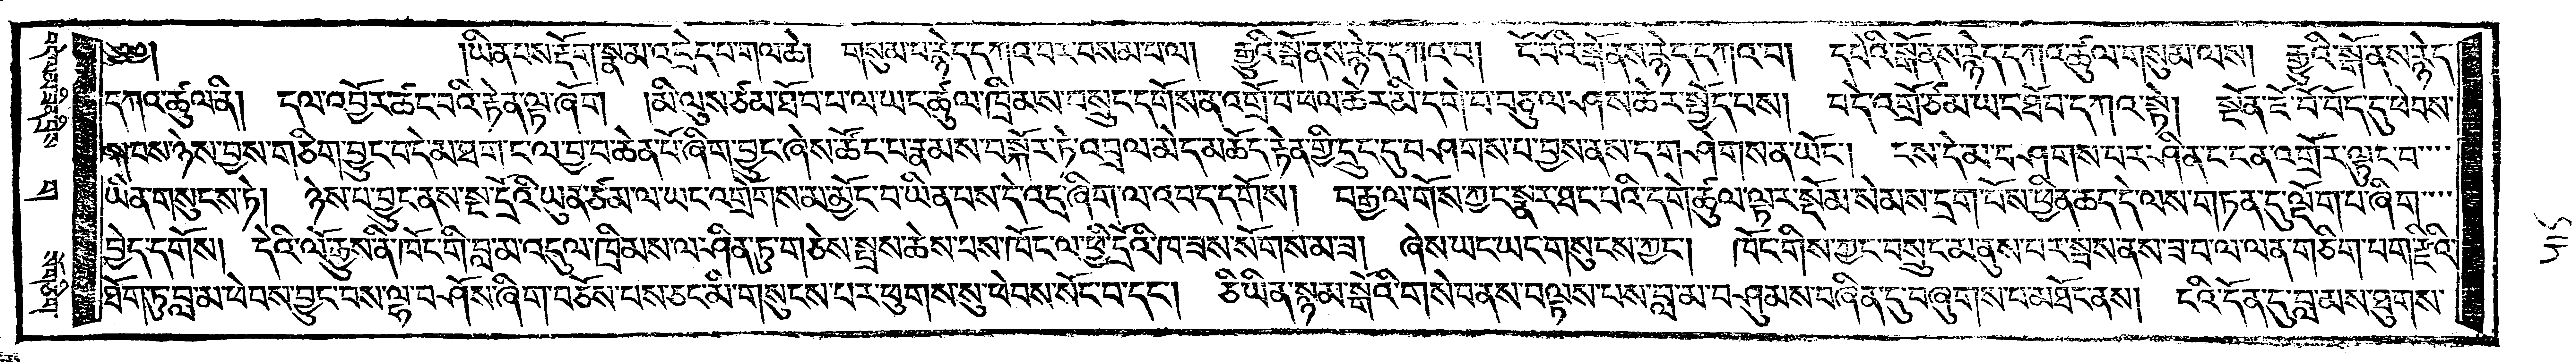༄༅། །ཡིན་པས་རྡོག་སྣམ་འདྲེད་པ་གལ་ཆེ། གསུམ་པ་རྙེད་དཀའ་བར་བསམ་པ་ལ། རྒྱུའི་སྒོ་ནས་རྙེད་དཀའ་བ། ངོ་བོའི་སྒོ་ནས་རྙེད་དཀའ་བ། དཔེའི་སྒོ་ནས་རྙེད་དཀའ་ཚུལ་གསུམ་ལས། རྒྱུའི་སྒོ་ནས་རྙེད་
དཀའ་ཚུལ་ནི། དལ་འབྱོར་ཚང་བའི་རྟེན་ལྟ་ཞོག །མི་ལུས་ཙམ་ཐོབ་པ་ལ་ཡང་ཚུལ་ཁྲིམས་བསྲུང་དགོས་ན་འགྲོ་བ་ཕལ་ཆེར་མི་དགེ་བ་བཅུ་ལ་ཤས་ཆེར་སྤྱོད་བས། བདེ་འགྲོ་ཙམ་ཡང་ཐོབ་དཀའ་སྟེ། སྔོན་ཇོ་བོ་བོད་དུ་ཕེབས་
སྐབས་ཉེས་བྱས་གཅིག་བྱུང་བ་དེ་མ་ཐག་ང་ལ་བྱ་བ་ཆེན་པོ་ཞིག་བྱུང་ཞེས་ཚོང་བ་རྣམས་བསྐོར་ཏེ་འབྲལ་མེད་མཆོད་རྟེན་གྱི་དྲུང་དུ་བཤགས་བ་བྱས་ནས་ད་གཤེགས་ན་ཡོང་། ངས་དེ་མ་བཤགས་པར་ཤིན་ང་ངན་འགྲོར་ལྟུང་བ་
ཡིན་གསུངས་ཏེ། ཉེས་པ་བྱུང་ནས་སྔ་དྲོའི་ཡུན་ཙམ་ལ་ཡང་འགྲོགས་མ་མྱོང་བ་ཡིན་པས་དེ་འདྲ་ཞིག་ལ་འབད་དགོས། བརྒྱ་ལ་གོས་ཀྱང་སྣར་ཐང་པའི་དགེ་ཚུལ་ལྟར་སྡོམ་སེམས་དྲག་པོས་ཕྱིན་ཆད་དེ་ལས་གཏན་དུ་ལྡོག་པ་ཞིག་
བྱེད་དགོས། དེའི་ལོ་རྒྱུས་ནི་ཁོང་གི་བླ་མ་འདུལ་ཁྲིམས་ལ་ཤིན་ཏུ་གཅེས་སྤྲས་ཆེས་པས་ཁོང་ལ་ཕྱི་དྲོའི་ཁ་ཟས་སོགས་མ་ཟ། ཞེས་ཡང་ཡང་གསུངས་ཀྱང་། ཁོང་གིས་ཀྱང་བསྲུང་མ་ནུས་པར་སྦས་ནས་ཟ་བ་ལ་ལན་གཅིག་པ་ག་རྗེའི་
ཐོག་ཏུ་བླ་མ་ཕེབས་བྱུང་བས་ལྷ་བཤོས་ཞིག་བཅོས་པས་ཅང་མཾ་གསུངས་པར་ཕུགས་སུ་ཕེབས་སོང་བ་དང་། ཅི་ཡིན་སྙམ་སྒོའི་གསེབ་ནས་བལྟས་པས་བླ་མ་བཤུམས་བཞིན་དུ་བཞུགས་བ་མཐོང་ནས། ངའི་དོན་དུ་བླ་མས་ཐུགས་